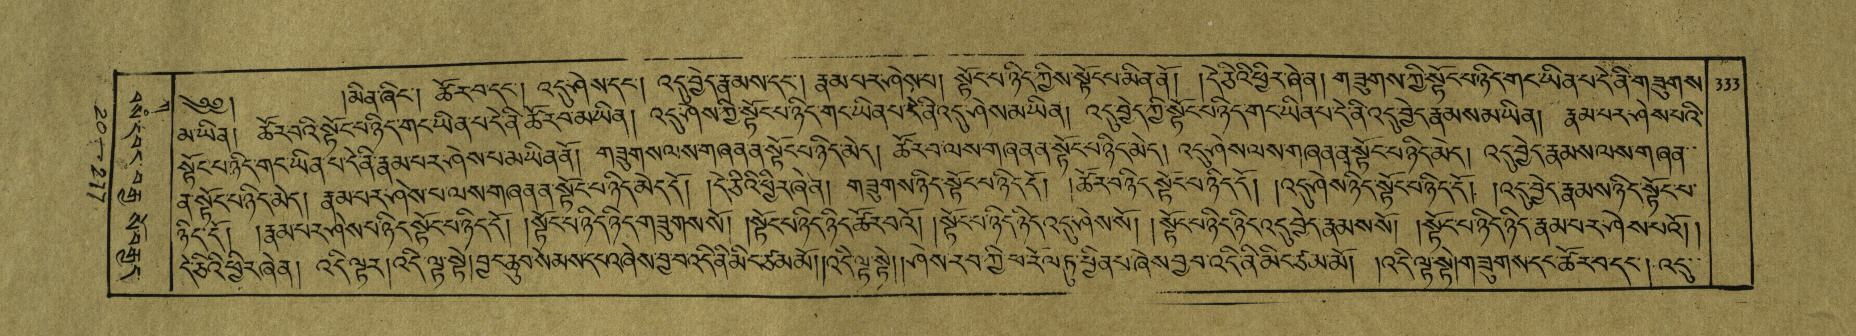༄༅། །མིན་ཞིང་། ཚོར་བ་དང་། འདུ་ཤེས་དང་། འདུ་བྱེད་རྣམས་དང་། རྣམ་པར་ཤེས་པ། སྟོང་པ་ཉིད་ཀྱིས་སྟོང་པ་མིན་ནོ། །དེ་ཅིའི་ཕྱིར་ཞེ་ན། གཟུགས་ཀྱི་སྟོང་པ་ཉིད་གང་ཡིན་པ་དེ་ནི་གཟུགས་
མ་ཡིན། ཚོར་བའི་སྟོང་པ་ཉིད་གང་ཡིན་པ་དེ་ནི་ཚོར་བ་མ་ཡིན། འདུ་ཤེས་ཀྱི་སྟོང་པ་ཉིད་གང་ཡིན་པ་དེ་ནི་འདུ་ཤེས་མ་ཡིན། འདུ་བྱེད་ཀྱི་སྟོང་པ་ཉིད་གང་ཡིན་པ་དེ་ནི་འདུ་བྱེད་རྣམས་མ་ཡིན། རྣམ་པར་ཤེས་པའི་
སྟོང་པ་ཉིད་གང་ཡིན་པ་དེ་ནི་རྣམ་པར་ཤེས་པ་མ་ཡིན་ནོ། གཟུགས་ལས་གཞན་ན་སྟོང་པ་ཉིད་མེད། ཚོར་བ་ལས་གཞན་ན་སྟོང་པ་ཉིད་མེད། འདུ་ཤེས་ལས་གཞན་ན་སྟོང་པ་ཉིད་མེད། འདུ་བྱེད་རྣམས་ལས་གཞན་
ན་སྟོང་པ་ཉིད་མེད། རྣམ་པར་ཤེས་པ་ལས་གཞན་ན་སྟོང་པ་ཉིད་མེད་དོ། །དེ་ཅིའི་ཕྱིར་ཞེ་ན། གཟུགས་ཉིད་སྟོང་པ་ཉིད་དོ། །ཚོར་བ་ཉིད་སྟོང་པ་ཉིད་དོ། །འདུ་ཤེས་ཉིད་སྟོང་པ་ཉིད་དོ། །འདུ་བྱེད་རྣམས་ཉིད་སྟོང་པ་
ཉིད་དོ། །རྣམ་པར་ཤེས་པ་ཉིད་སྟོང་པ་ཉིད་དོ། །སྟོང་པ་ཉིད་ཉིད་གཟུགས་སོ། །སྟོང་པ་ཉིད་ཉིད་ཚོར་བའོ། །སྟོང་པ་ཉིད་ཉིད་འདུ་ཤེས་སོ། །སྟོང་པ་ཉིད་ཉིད་འདུ་བྱེད་རྣམས་སོ། །སྟོང་པ་ཉིད་ཉིད་རྣམ་པར་ཤེས་པའོ། །
དེ་ཅིའི་ཕྱིར་ཞེན། འདི་ལྟར། འདི་ལྟ་སྟེ། བྱང་ཆུབ་སེམས་དཔའ་ཞེས་བྱ་བ་འདི་ནི་མིང་ཙམ་མོ། །འདི་ལྟ་སྟེ། །ཤེས་རབ་ཀྱི་ཕ་རོལ་ཏུ་ཕྱིན་པ་ཞེས་བྱ་བ་འདི་ནི་མིང་ཙམ་མོ། །འདི་ལྟ་སྟེ། གཟུགས་དང་ཚོར་བ་དང་། འདུ་